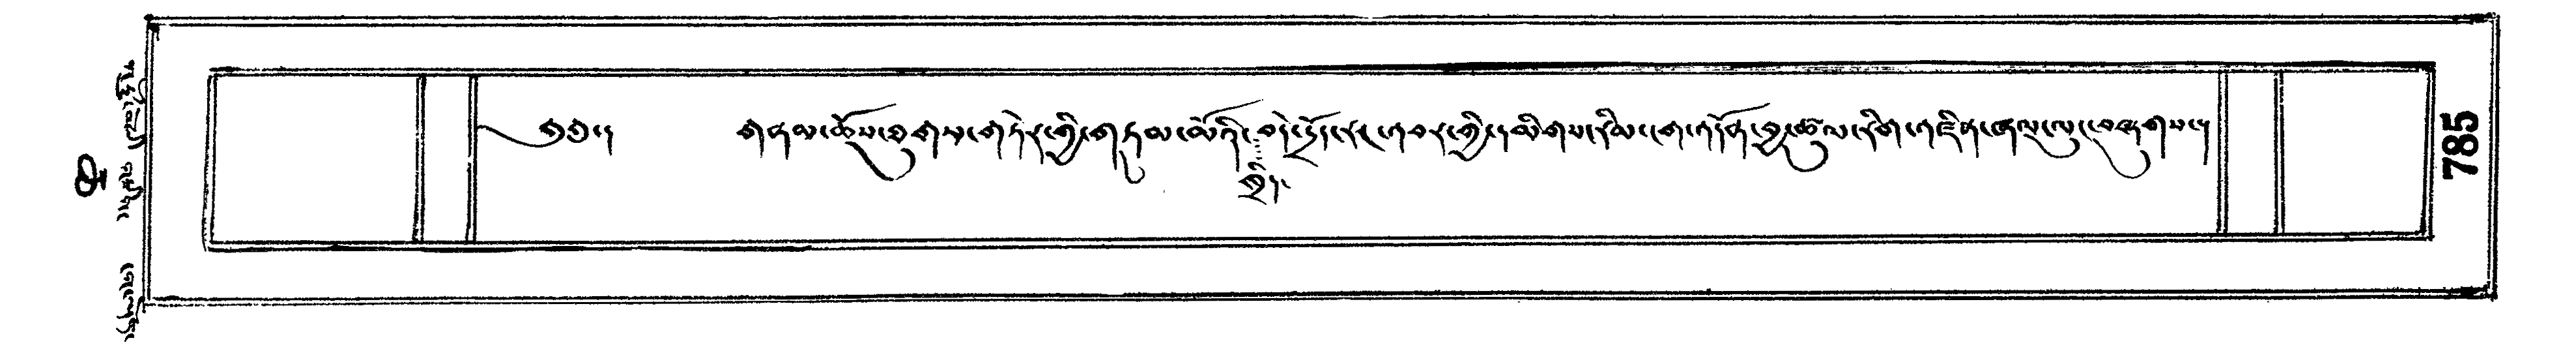༄༅། གནམ་ཆོས་ཐུགས་གཏེར་གྱི་གཏུམ་མོའི་ཁྲིད་བདེ་དྲོད་རང་འབར་གྱི་དམིགས་རིམ་ངག་འདོན་བྱ་ཚུལ་རིག་འཛིན་ཞལ་ལུང་བཞུགས།